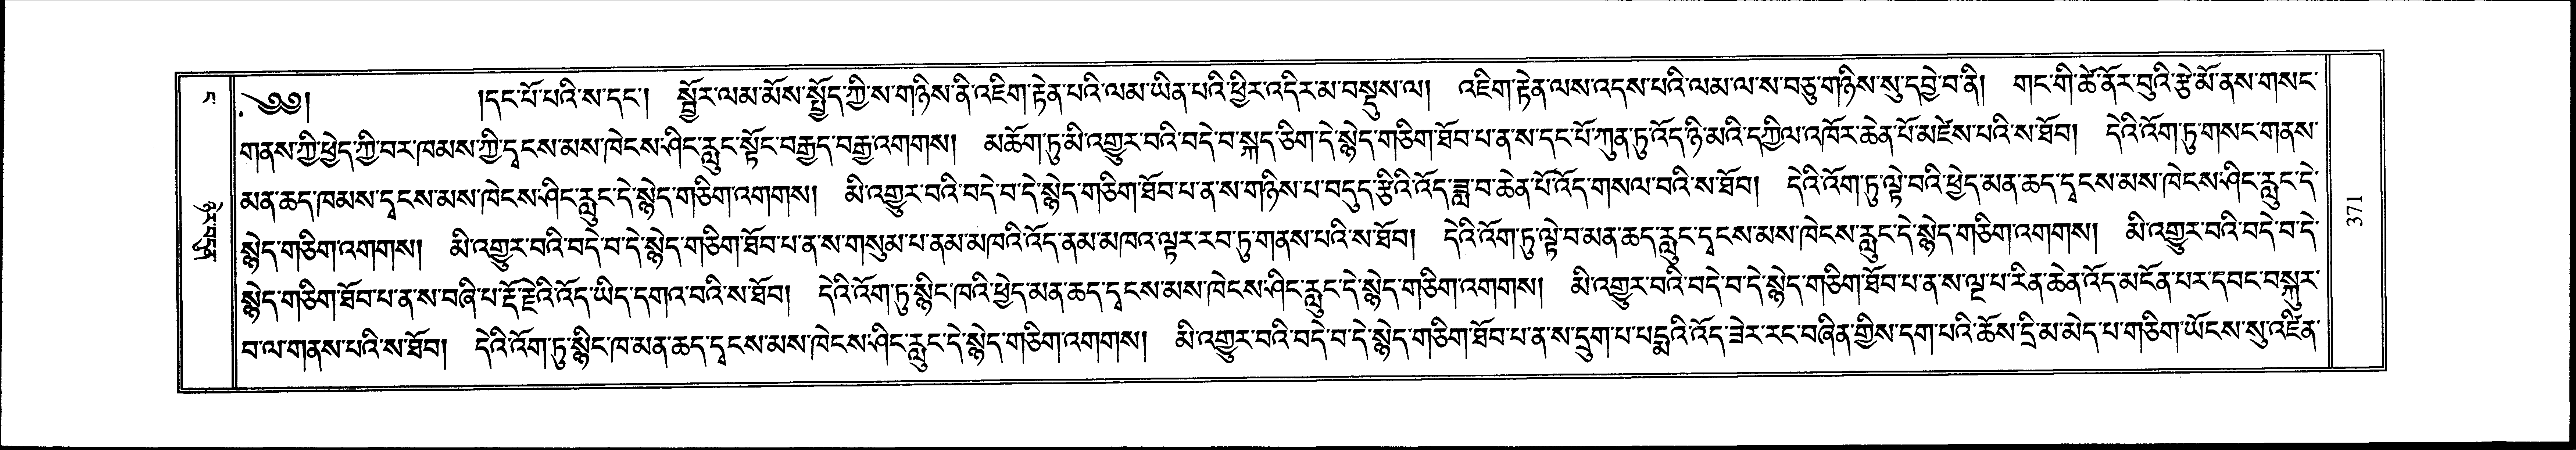༄༅། །དང་པོ་པའི་ས་དང་། སྦྱོར་ལམ་མོས་སྤྱོད་ཀྱི་ས་གཉིས་ནི་འཇིག་རྟེན་པའི་ལམ་ཡིན་པའི་ཕྱིར་འདིར་མ་བསྡུས་ལ། འཇིག་རྟེན་ལས་འདས་པའི་ལམ་ལ་ས་བཅུ་གཉིས་སུ་དབྱེ་བ་ནི། གང་གི་ཚེ་ནོར་བུའི་རྩེ་མོ་ནས་གསང་
གནས་ཀྱི་ཕྱེད་ཀྱི་བར་ཁམས་ཀྱི་དྭངས་མས་ཁེངས་ཤིང་རླུང་སྟོང་བརྒྱད་བརྒྱ་འགགས། །མཆོག་ཏུ་མི་འགྱུར་བའི་བདེ་བ་སྐད་ཅིག་དེ་སྙེད་གཅིག་ཐོབ་པ་ན་ས་དང་པོ་ཀུན་ཏུ་འོད་ཉི་མའི་དཀྱིལ་འཁོར་ཆེན་པོ་མཛེས་པའི་ས་ཐོབ། དེའི་འོག་ཏུ་གསང་གནས་
མན་ཆད་ཁམས་དྭངས་མས་ཁེངས་ཤིང་རླུང་དེ་སྙེད་གཅིག་འགགས། མི་འགྱུར་བའི་བདེ་བ་དེ་སྙེད་གཅིག་ཐོབ་པ་ན་ས་གཉིས་པ་བདུད་རྩིའི་འོད་ཟླ་བ་ཆེན་པོ་འོད་གསལ་བའི་ས་ཐོབ། དེའི་འོག་ཏུ་ལྟེ་བའི་ཕྱེད་མན་ཆད་དྭངས་མས་ཁེངས་ཤིང་རླུང་དེ་
སྙེད་གཅིག་འགགས། མི་འགྱུར་བའི་བདེ་བ་དེ་སྙེད་གཅིག་ཐོབ་པ་ན་ས་གསུམ་པ་ནམ་མཁའི་འོད་ནམ་མཁའ་ལྟར་རབ་ཏུ་གནས་པའི་ས་ཐོབ། དེའི་འོག་ཏུ་ལྟེ་བ་མན་ཆད་རླུང་དྭངས་མས་ཁེངས་རླུང་དེ་སྙེད་གཅིག་འགགས། མི་འགྱུར་བའི་བདེ་བ་དེ་
སྙེད་གཅིག་ཐོབ་པ་ན་ས་བཞི་པ་རྡོ་རྗེའི་འོད་ཡིད་དགའ་བའི་ས་ཐོབ། དེའི་འོག་ཏུ་སྙིང་ཁའི་ཕྱེད་མན་ཆད་དྭངས་མས་ཁེངས་ཤིང་རླུང་དེ་སྙེད་གཅིག་འགགས། མི་འགྱུར་བའི་བདེ་བ་དེ་སྙེད་གཅིག་ཐོབ་པ་ན་ས་ལྔ་པ་རིན་ཆེན་འོད་མངོན་པར་དབང་བསྐུར་
བ་ལ་གནས་པའི་ས་ཐོབ། དེའི་འོག་ཏུ་སྙིང་ཁ་མན་ཆད་དྭངས་མས་ཁེངས་ཤིང་རླུང་དེ་སྙེད་གཅིག་འགགས། མི་འགྱུར་བའི་བདེ་བ་དེ་སྙེད་གཅིག་ཐོབ་པ་ན་ས་དྲུག་པ་པདམའི་འོད་ཟེར་རང་བཞིན་གྱིས་དག་པའི་ཆོས་དྲི་མ་མེད་པ་གཅིག་ཡོངས་སུ་འཛིན་